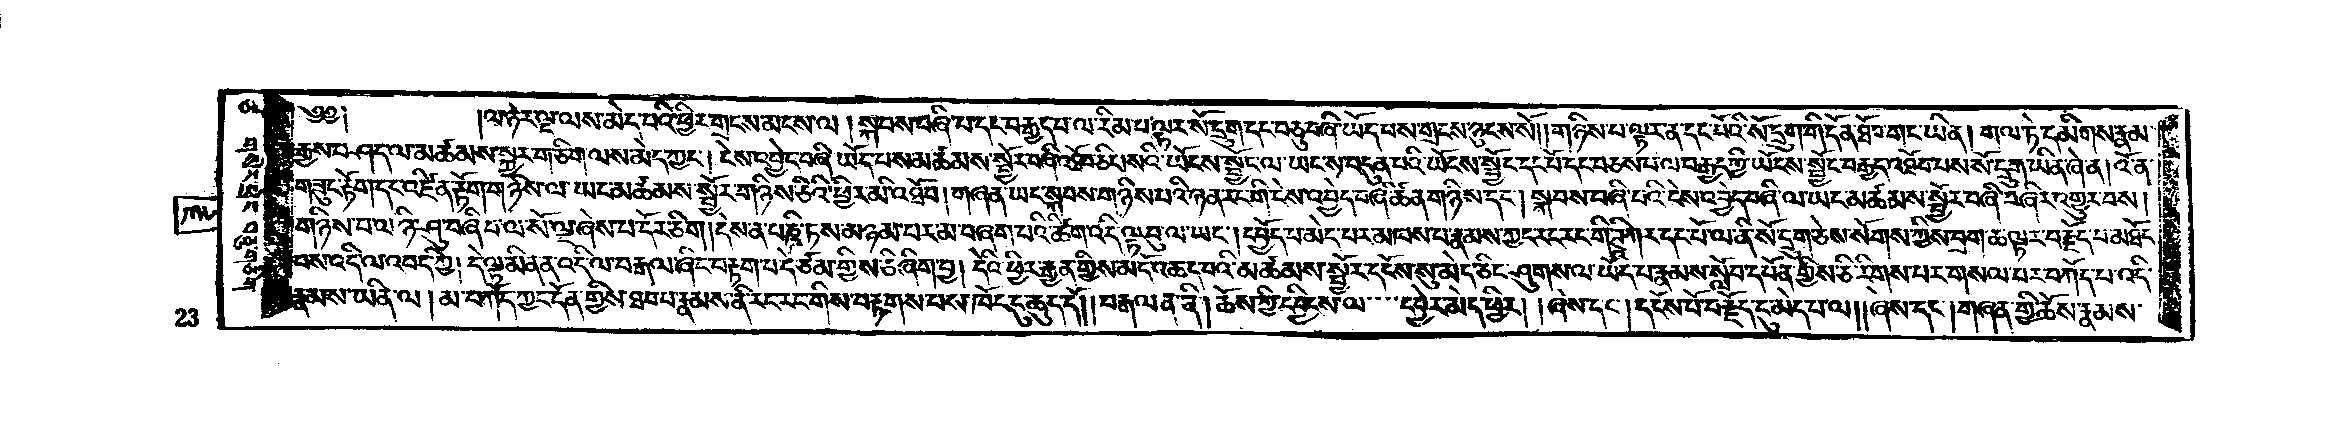༄༅། །ལ་ཉེར་ལྔ་ལས་མེད་པའི་ཕྱིར་གྲངས་མངས་ལ། སྐབས་བཞི་པ་དང་བརྒྱད་པ་ལ་རིམ་པ་ལྟར་སོ་དྲུག་དང་བཅུ་བཞི་ཡོད་པས་གྲངས་ཉུངས་སོ། །གཉིས་པ་ལྟར་ན་དང་པོའི་སོ་དྲུག་གི་དོན་ཐོབ་གང་ཡིན། གལ་ཏེ་དམིགས་རྣམ་
རྒྱས་བཤད་ལ་མཚམས་སྦྱར་གཅིག་ལས་མེད་ཀྱང་། ངེས་འབྱེད་བཞི་ཡོད་པས་མཚམས་སྦྱོར་བཞི་འཐོབ་ཅིང་། སའི་ཡོངས་སྦྱོང་ལ་ཡང་ས་བདུན་པའི་ཡོངས་སྦྱོང་དང་པོ་དང་བཅས་པ་ལ་བརྒྱད་ཀྱི་ཡོངས་སྦྱོང་བརྒྱད་འཐོབ་པས་སོ་དྲུག་ཡིན་ཞེ་ན། འོ་ན་
གཟུང་རྟོག་དང་འཛིན་རྟོག་གཉིས་ལ་ཡང་མཚམས་སྦྱོར་གཉིས་ཅིའི་ཕྱིར་མི་འཐོབ། གཞན་ཡང་སྐབས་གཉིས་པའི་ཉན་རང་གི་ངེས་འབྱེད་བཞི་ཚན་གཉིས་དང་། སྐབས་བཞི་པའི་ངེས་འབྱེད་བཞི་ལ་ཡང་མཚམས་སྦྱོར་བཞི་བཞིར་འགྱུར་བས།
གཉིས་པ་ལ་ཉི་ཤུ་བཞི་པ་ལ་སོ་ལྔ་ཞེས་པ་དོར་ཅིག །དེས་ན་པཎྜི་ཏས་མཉམ་པར་མ་བཞག་པའི་ཚིག་འདི་ལྟ་བུ་ལ་ཡང་། དཔྱོད་པ་མེད་པར་མཁས་པ་རྣམས་ཀྱང་རང་རང་གི་ཊཱི་ཀར་དང་པོ་ལ་ནི་སོ་དྲུག་ཅེས་སོགས་ཀྱིས་བྲག་ཆ་ལྟར་བརྗོད་པ་མཐོང་
བས་འདི་ལ་འབད་ཀྱི། དེ་ལྟ་མིན་ན་འདི་ལ་བརྒལ་ཞིང་བརྟག་པ་དེ་ཙམ་གྱིས་ཅི་ཞིག་བྱ། དེའི་ཕྱིར་རྒྱན་གྱིས་མདོ་འཆད་པའི་མཚམས་སྦྱོར་དངོས་སུ་མེད་ཅིང་ཤུགས་ལ་ཡོད་པ་རྣམས་སློབ་དཔོན་གྱིས་ཅི་རིགས་པར་གསལ་བར་བཀོད་པ་འདི་
རྣམས་ཡིན་ལ། མ་བཀོད་ཀྱང་དོན་གྱིས་ཐོབ་པ་རྣམས་ནི་རང་རང་གིས་བརྟགས་པས་ཁོང་དུ་ཆུད་དོ། །བརྒལ་ན་ནི། ཆོས་ཀྱི་དབྱིངས་ལ་དབྱེར་མེད་ཕྱིར། །ཞེས་དང་། དངོས་པོ་བརྗོད་དུ་མེད་པ་ལ། །ཞེས་དང་། གཞན་གྱི་ཆོས་རྣམས་